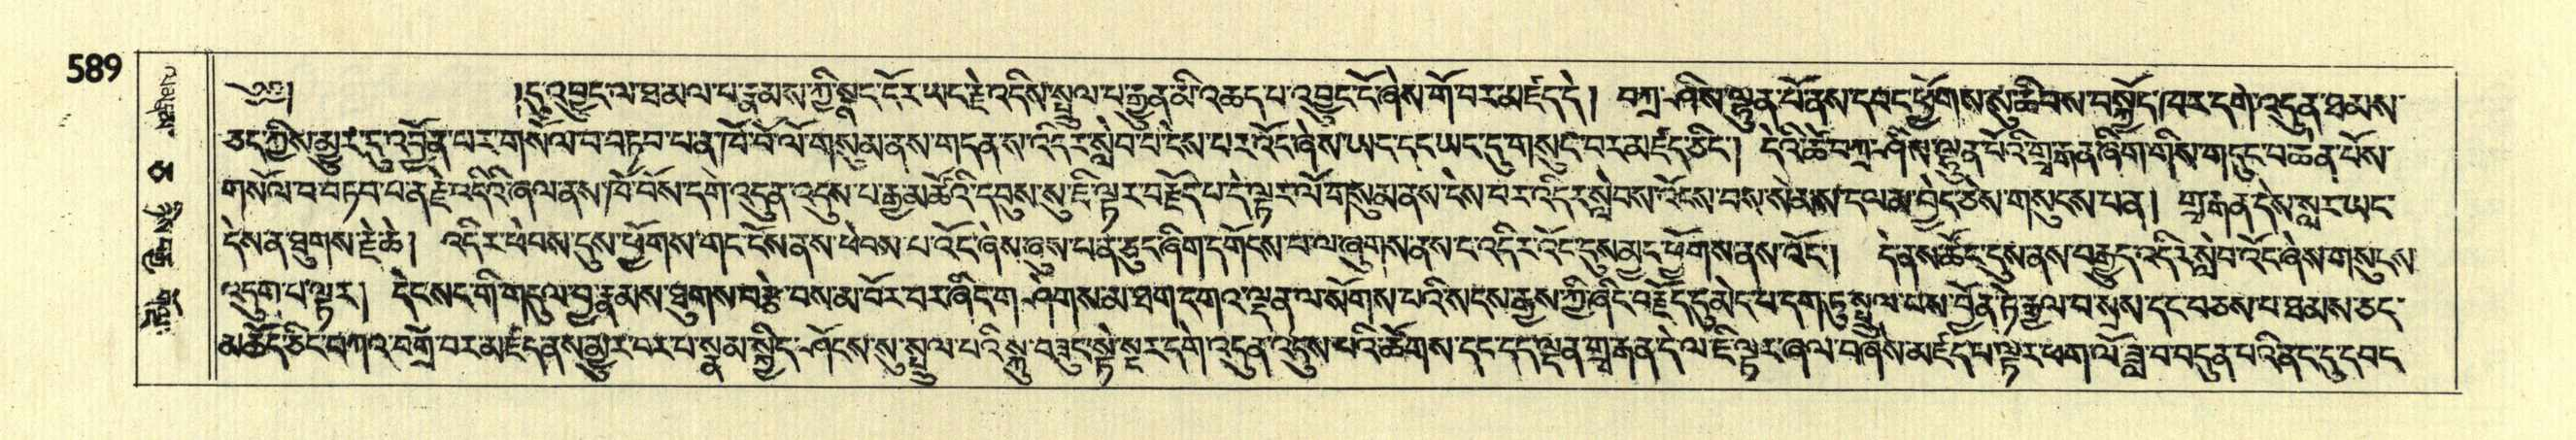༄༅། །དུ་འབྱུང་ལ་ཐ་མལ་པ་རྣམས་ཀྱི་སྣང་དོར་ཡང་རྗེ་འདིས་སྤྲུལ་པ་རྒྱུན་མི་འཆད་པ་འབྱུང་ངོ་ཞེས་གོ་བར་མཛད་དེ། བཀྲ་ཤིས་ལྷུན་པོ་ནས་དབང་ཕྱོགས་སུ་ཆིབས་བསྐྱོད་ཁར་དགེ་འདུན་ཐམས་
ཅད་ཀྱིས་མྱུར་དུ་འབྱོན་པར་གསོལ་བ་བཏབ་པ་ན་ཁོ་བོ་ལོ་གསུམ་ནས་གདན་ས་འདིར་སླེབ་པ་ངེས་པར་འོང་ཞེས་ཡང་དང་ཡང་དུ་གསུང་བར་མཛད་ཅིང་། དེའི་ཚེ་བཀྲ་ཤིས་ལྷུན་པོའི་གྲྭ་རྒན་ཞིག་གིས་གདུང་བ་ཆེན་པོས་
གསོལ་བ་བཏབ་བ་ན་རྗེ་འདིའི་ཞལ་ནས་ཁོ་བོས་དགེ་འདུན་འདུས་པ་རྒྱ་མཚོའི་དབུས་སུ་ཇི་ལྟར་བརྗོད་པ་དེ་ལྟར་ལོ་གསུམ་ནས་ངེས་བར་འདིར་སླེབས་འོངས་བས་སེམས་ངལ་མ་བྱེད་ཅེས་གསུངས་པ་ན། གྲྭ་རྒན་དེས་སླར་ཡང་
དེས་ན་ཐུགས་རྗེ་ཆེ། འདིར་ཕེབས་དུས་ཕྱོགས་གང་ངོས་ནས་ཕེབས་པ་འོང་ཞེས་ཞུས་པ་ན་ཅུང་ཞིག་དགོངས་པ་ལ་ཞུགས་ནས་ང་འདིར་འོང་དུས་མྱང་ཕྱོགས་ནས་འོང་། དེ་ནས་ཚོང་དུས་ནས་བརྒྱུད་འདིར་སླེབས་འོང་ཞེས་གསུངས་
འདུག་པ་ལྟར། དེང་སང་གི་གདུལ་བྱ་རྣམས་ཐུགས་བརྩེ་བས་མ་བོར་བར་ཞིང་གཤེགས་མ་ཐག་དགའ་ལྡན་ལ་སོགས་པའི་སངས་རྒྱས་ཀྱི་ཞིང་བརྗོད་དུ་མེད་པ་དག་ཏུ་སྤྲུལ་པས་བྱོན་ཏེ་རྒྱལ་བ་སྲས་དང་བཅས་པ་ཐམས་ཅད་
མཆོད་ཅིང་བཀའ་འགྲོ་བར་མཛད་ནས་མྱུར་བར་པ་སྣམ་སྐྱིད་ཤོངས་སུ་སྤྲུལ་པའི་སྐུ་བཟུང་སྟེ་སྔར་དགེ་འདུན་འདུས་པའི་ཚོགས་དང་དད་ལྡན་གྲྭ་རྒན་དེ་ལ་ཇི་ལྟར་ཞལ་བཞེས་མཛད་པ་ལྟར་ཕག་ལོ་ཟླ་བ་བདུན་པའི་ནང་དུ་དབང་